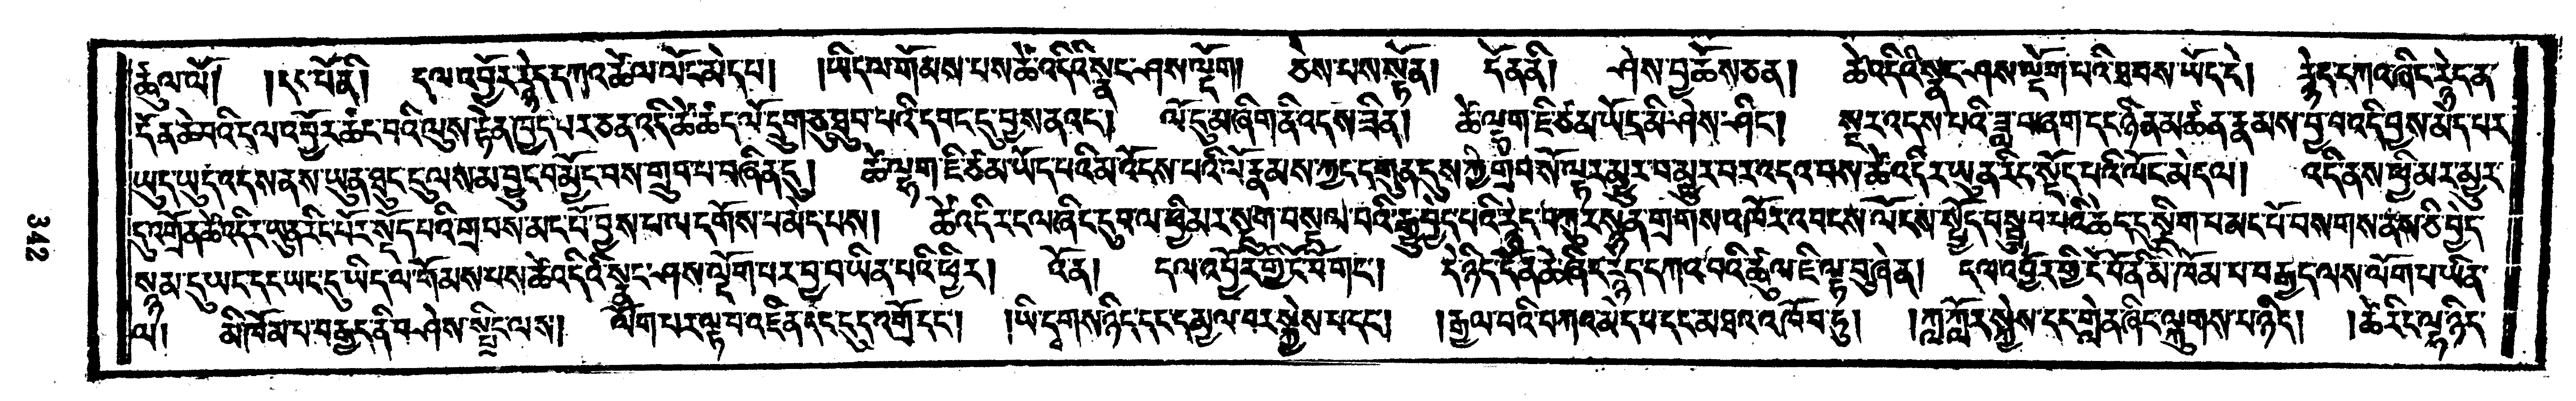ཚུལ་ལོ། །དང་པོ་ནི། དལ་འབྱོར་རྙེད་དཀའ་ཚེ་ལ་ལོང་མེད་པ། །ཡིད་ལ་གོམས་པས་ཚེ་འདིའི་སྣང་ཤས་ལྡོག། ཅེས་པས་སྟོན། དོན་ནི། ཤེས་བྱ་ཆོས་ཅན། ཚེ་འདིའི་སྣང་ཤས་ལྡོག་པའི་ཐབས་ཡོད་དེ། རྙེད་དཀའ་ཞིང་རྙེད་ན་
དོན་ཆེ་བའི་དལ་འབྱོར་ཚང་བའི་ལུས་རྟེན་ཁྱད་པར་ཅན་འདི་ཚེ་ཚད་ལོ་དྲུག་ཅུ་ཐུབ་པའི་དབང་དུ་བྱས་ནའང་། ལོ་དུ་མ་ཞིག་ནི་འདས་ཟིན། ཚེ་ལྷག་ཇི་ཙམ་ཡོད་མི་ཤེས་ཤིང་། སྔར་འདས་པའི་ཟླ་བཞག་དང་ཉིན་མཚན་རྣམས་བྱ་བ་འདི་བྱས་མེད་པར་
ཡུད་ཡུད་འདས་ནས་ཡུན་ཐུང་དུ་ལས་མ་བྱུང་བ་མྱོང་བས་གྲུབ་པ་བཞིན་དུ། ཚེ་ལྷག་ཇི་ཙམ་ཡོད་པའི་མ་འོངས་པའི་ལོ་རྣམས་ཀྱང་དགུན་དུས་ཀྱི་གྲབ་སོ་ལྟར་མྱུར་བ་མྱུར་བར་འདའ་བས་ཚེ་འདིར་ཡུན་རིང་སྡོད་པའི་ལོང་མེད་ལ། འདི་ནས་ཕྱི་མར་མྱུར་
དུ་འགྲོ་ན་ཚེ་འདིར་ཡུན་རིང་པོར་སྡོད་པའི་གྲབས་མང་པོ་བྱས་པ་ལ་དགོས་པ་མེད་པས། ཚེ་འདིར་དལ་ཞིང་དུབ་ལ་ཕྱི་མར་སྡུག་བསྔལ་བའི་རྒྱུ་བྱེད་པའི་རྙེད་བཀུར་སྙེན་གྲགས་འཁོར་འབངས་ལོངས་སྤྱོད་བ་སྤྲུབ་པའི་ཆེད་དུ་སྡིག་པ་མང་པོ་བསགས་ནས་ཅི་བྱེད་
སྙམ་དུ་ཡང་དང་ཡང་དུ་ཡིད་ལ་གོམས་པས་ཚེ་འདིའི་སྣང་ཤས་ལྡོག་པར་བྱ་བ་ཡིན་པའི་ཕྱིར། འོ་ན། དལ་འབྱོར་གྱི་ངོ་བོ་གང་། དེ་ཉིད་དོན་ཆེ་ཞིང་རྙེད་དཀའ་བའི་ཚུལ་ཇི་ལྟ་བུ་ཞེན། དལ་འབྱོར་གྱི་ངོ་བོ་ནི་མི་ཁོམ་པ་བརྒྱད་ལས་ལོག་པ་ཡིན་
ལ། མི་ཁོམ་པ་བརྒྱད་ནི་བཤེས་སྤྲིང་ལས། ལོག་པར་ལྟ་བ་འཛིན་དང་དུད་འགྲོ་དང་། །ཡི་དྭགས་ཉིད་དང་དམྱལ་བར་སྐྱེས་པ་དང་། །རྒྱལ་བའི་བཀའ་མེད་པ་དང་མཐའ་འཁོབ་ཏུ། །ཀླ་ཀློར་སྐྱེས་དང་གླེན་ཞིང་ལྐུགས་པ་ཉིད། །ཚེ་རིང་ལྷ་ཉིད་